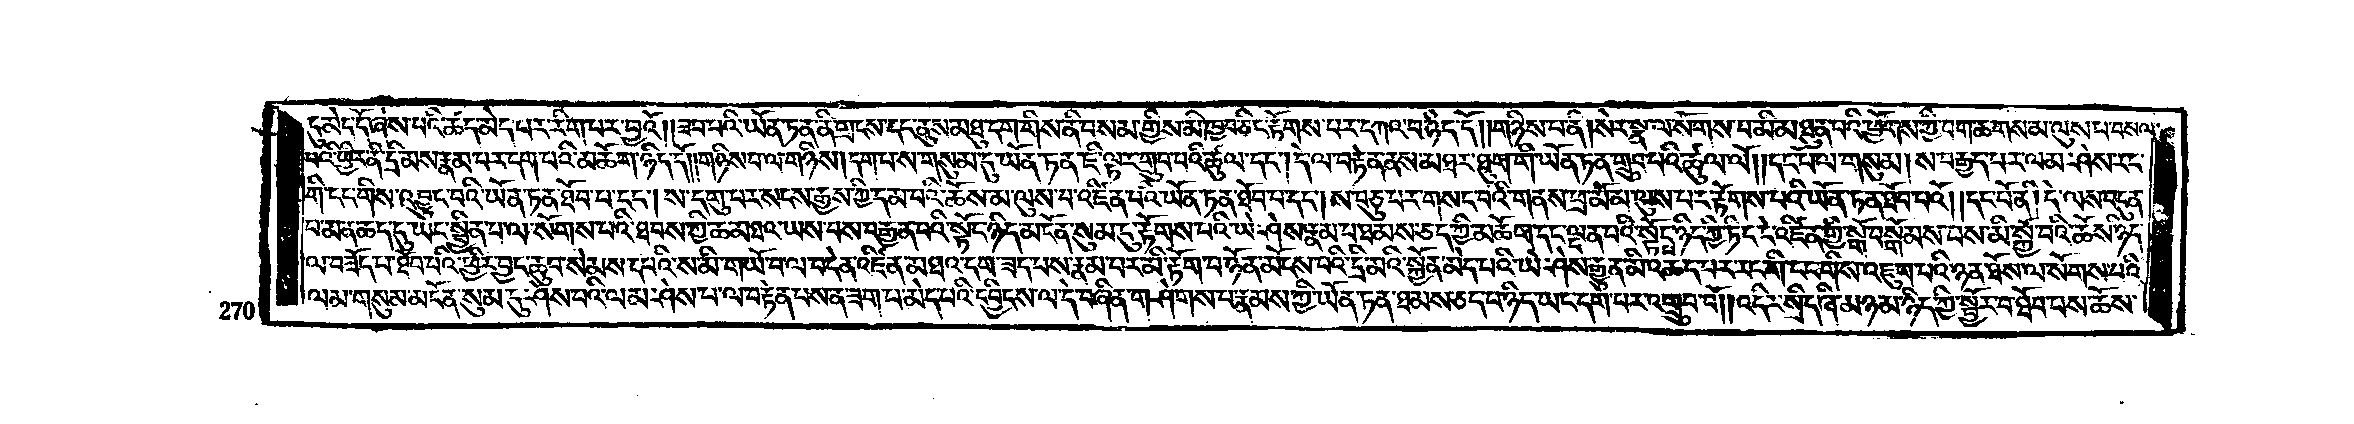དུ་མེད་དོ་ཞེས་པའི་ཚད་མེད་པར་རིག་པར་བྱའོ། །ཟབ་པའི་ཡོན་ཏན་ནི་གྲངས་དང་ནུས་མཐུ་དག་གིས་ནི་བསམ་གྱིས་མི་ཁྱབ་ཅིང་རྟོགས་པར་དཀའ་བ་ཉིད་དོ། །གཉིས་པ་ནི། སེར་སྣ་ལ་སོགས་པ་མི་མཐུན་པའི་ཕྱོགས་ཀྱི་བག་ཆགས་མ་ལུས་པ་བསལ་
བའི་ཕྱིར་ནི་དྲི་མས་རྣམ་པར་དག་པའི་མཆོག་ཉིད་དོ། །གཉིས་པ་ལ་གཉིས། དག་པ་ས་གསུམ་དུ་ཡོན་ཏན་ཇི་ལྟར་གྲུབ་པའི་ཚུལ་དང་། དེ་ལ་བརྟེན་ནས་མཐར་ཐུག་གི་ཡོན་ཏན་གྲུབ་པའི་ཚུལ་ལོ། །དང་པོ་ལ་གསུམ། ས་བརྒྱད་པར་ལམ་ཤེས་རང་
གི་ངང་གིས་འབྱུང་བའི་ཡོན་ཏན་ཐོབ་པ་དང་། ས་དགུ་པར་སངས་རྒྱས་ཀྱི་དམ་པའི་ཆོས་མ་ལུས་པ་འཛིན་པའི་ཡོན་ཏན་ཐོབ་པ་དང་། ས་བཅུ་པར་གསང་བའི་གནས་ཕྲ་མོ་མ་ལུས་པར་རྟོགས་པའི་ཡོན་ཏན་ཐོབ་པའོ། །དང་པོ་ནི། དེ་ལས་བདུན་
པ་མན་ཆད་དུ་ཡང་སྦྱིན་པ་ལ་སོགས་པའི་ཐབས་ཀྱི་ཆ་མཐའ་ཡས་པས་བརྒྱན་པའི་སྟོང་ཉིད་མངོན་སུམ་དུ་རྟོགས་པའི་ཡེ་ཤེས་རྣམ་པ་ཐམས་ཅད་ཀྱི་མཆོག་དང་ལྡན་པའི་སྟོང་པ་ཉིད་ཀྱི་ཏིང་ངེ་འཛིན་གྱི་སྒོ་བསྒོམས་པས་མི་སྐྱོ་བའི་ཆོས་ཉིད་
ལ་བཟོད་པ་ཐོབ་པའི་ཕྱིར་བྱང་ཆུབ་སེམས་དཔའི་ས་མི་གཡོ་བ་ལ་བདེན་འཛིན་མཐའ་དག་ཟད་པས་རྣམ་པར་མི་རྟོག་པ་ཉོན་མོངས་པའི་དྲི་མའི་སྐྱོན་མེད་པའི་ཡེ་ཤེས་རྒྱུན་མི་འཆད་པར་རང་གི་ངང་གིས་འཇུག་པའི་ཉན་ཐོས་ལ་སོགས་པའི་
ལམ་གསུམ་མངོན་སུམ་དུ་ཤེས་པའི་ལམ་ཤེས་པ་ལ་བརྟེན་པས་ན་ཟག་པ་མེད་པའི་དབྱིངས་ལ་དེ་བཞིན་གཤེགས་པ་རྣམས་ཀྱི་ཡོན་ཏན་ཐམས་ཅད་པ་ཉིད་ཡང་དག་པར་འགྱུར་བོ། །འདིར་སྲིད་ཞི་མཉམ་ཉིད་ཀྱི་སྦྱོར་བ་ཐོབ་པས་ཆོས་